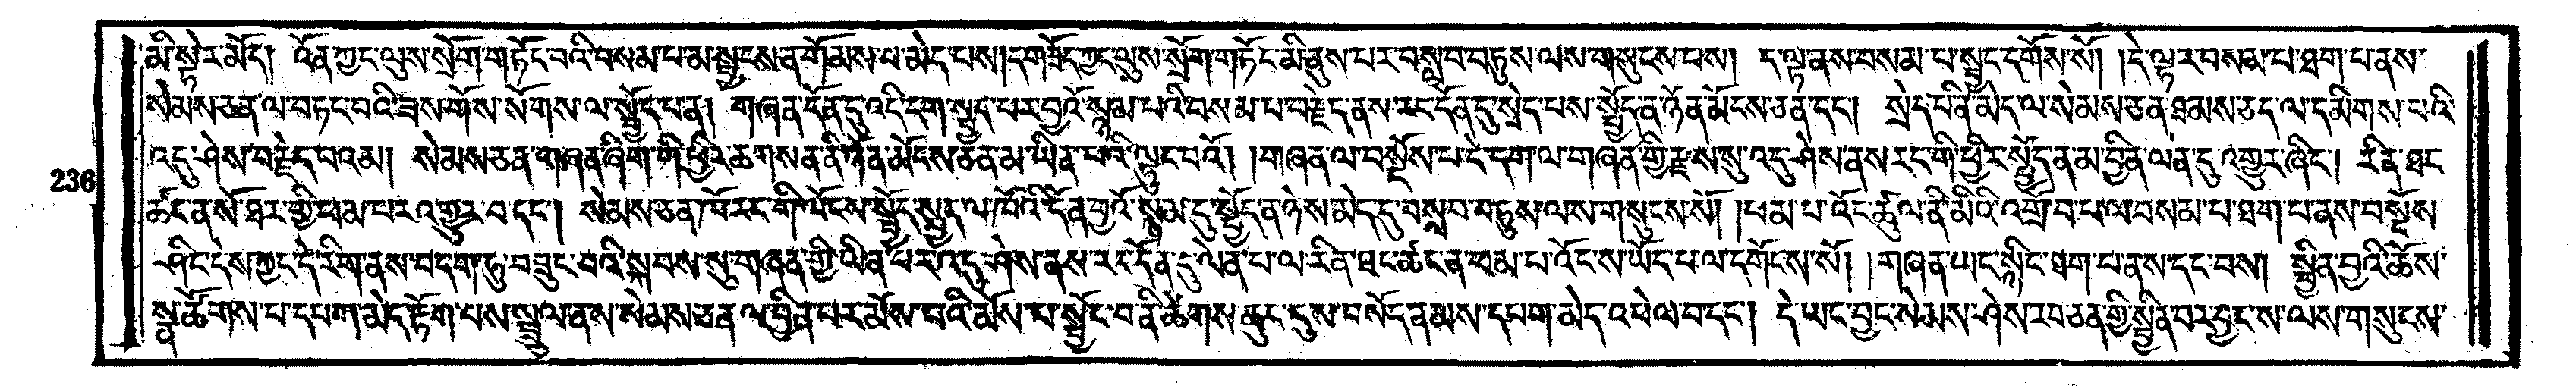མི་སྟེར་མོད། འོན་ཀྱང་ལུས་སྲོག་གཏོང་བའི་བསམ་པ་མ་སྦྱངས་ན་གོམས་པ་མེད་པས། དག་ཟོད་ཀྱང་ལུས་སྲོག་གཏོང་མི་ནུས་པར་བསླབ་བཏུས་ལས་གསུངས་བས། ད་ལྟ་ནས་བསམ་པ་སྦྱང་དགོས་སོ། །དེ་ལྟར་བསམ་པ་ཐག་པ་ནས་
སེམས་ཅན་ལ་བཏང་བའི་ཟས་གོས་སོགས་ལ་སྦྱོད་པ་ན། གཞན་དོན་དུ་འདི་དག་སྦྱད་པར་བྱའོ་སྙམ་པའི་བསམ་པ་བརྗེད་ནས་རང་དོན་དུ་སྲེད་པས་སྤྱོད་ན་ཉོན་མོངས་ཅན་དང་། སྲེད་པ་ནི་མེད་ལ་སེམས་ཅན་ཐམས་ཅད་ལ་དམིགས་པའི་
འདུ་ཤེས་བརྗེད་བའམ། སེམས་ཅན་གཞན་ཞིག་གི་ཕྱིར་ཆགས་ན་ནི་ཉོན་མོངས་ཅན་མ་ཡིན་པའི་ལྟུང་བའོ། །གཞན་ལ་བསྔོས་པ་དེ་དག་ལ་གཞན་གྱི་རྫས་སུ་འདུ་ཤེས་ནས་རང་གི་ཕྱིར་སྤྱོད་ན་མ་བྱིན་ལན་དུ་འགྱུར་ཞིང་། རིན་ཐང་
ཚང་ན་སོ་ཐར་གྱི་ཕམ་པར་འགྱུར་བ་དང་། སེམས་ཅན་ཁོ་རང་གི་ལོངས་སྤྱོད་སྤྱད་ལ་ཁོའི་དོན་གྱའོ་སྙམ་དུ་སྤྱོད་ན་ཉེས་མེད་དུ་བསླབ་བཏུས་ལས་གསུངས་སོ། །ཕམ་པ་འོང་ཚུལ་ནི་མིའི་འགྲོ་བ་པ་ལ་བསམ་པ་ཐག་པ་ནས་བསྔོས་
ཤིང་དེས་ཀྱང་དེ་རིག་ནས་བདག་ཏུ་བཟུང་བའི་སྐབས་སུ་གཞན་གྱི་ཡིན་པར་འདུ་ཤེས་ནས་རང་དོན་དུ་ལེན་པ་ལ་རིན་ཐང་ཚང་ན་ཕམ་པ་འོང་ས་ཡོད་པ་ལ་དགོངས་སོ། །གཞན་ཡང་སྙིང་ཐག་པ་ནས་དང་བས། སྦྱིན་བྱའི་ཆོས་
སྣ་ཚོགས་པ་དཔག་མེད་རྟོག་པས་སྦྲུལ་ནས་སེམས་ཅན་ལ་བྱིན་པར་མོས་བའི་མོས་པ་སྦྱོང་བ་ནི་ཚེགས་ཆུང་དུས་བསོད་ནམས་དཔག་མེད་འཕེལ་བ་དང་། དེ་ཡང་བྱང་སེམས་ཤེས་རབ་ཅན་གྱི་སྦྱིན་བར་བྱང་ལ་ལས་གསུངས་